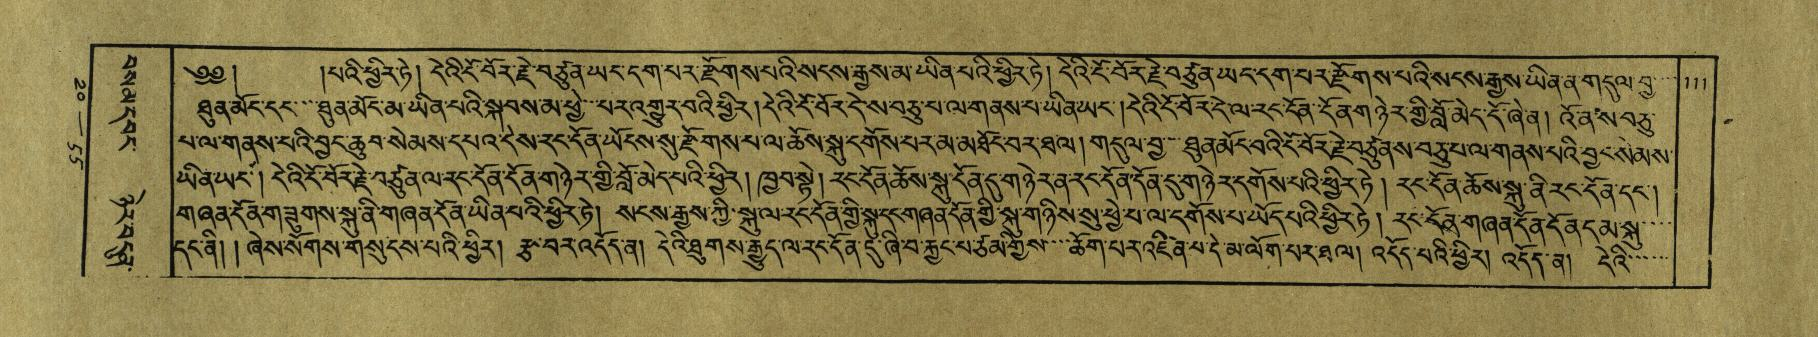༄༅། །པའི་ཕྱིར་ཏེ། དེའི་ངོ་བོར་རྗེ་བཙུན་ཡང་དག་པར་རྫོགས་པའི་སངས་རྒྱས་མ་ཡིན་པའི་ཕྱིར་ཏེ། དེའི་ངོ་བོར་རྗེ་བཙུན་ཡང་དག་པར་རྫོགས་པའི་སངས་རྒྱས་ཡིན་ན་གདུལ་བྱ་
ཐུན་མོང་དང་ཐུན་མོང་མ་ཡིན་པའི་སྐབས་མ་ཕྱེ་པར་འགྱུར་བའི་ཕྱིར། དེའི་ངོ་བོར་དེ་ས་བཅུ་པ་ལ་གནས་པ་ཡིན་ཡང་། དེའི་ངོ་བོར་དེ་ལ་རང་དོན་དོན་གཉེར་གྱི་བློ་མེད་དོ་ཞེ་ན། འོ་ན་ས་བཅུ་
པ་ལ་གནས་པའི་བྱང་ཆུབ་སེམས་དཔའ་དེས་རང་དོན་ཡོངས་སུ་རྫོགས་པ་ལ་ཆོས་སྐུ་དགོས་པར་མ་མཐོང་བར་ཐལ། གདུལ་བྱ་ཐུན་མོང་བའི་ངོ་བོར་རྗེ་བཙུན་ས་བཅུ་པ་ལ་གནས་པའི་བྱང་སེམས་
ཡིན་ཡང་། དེའི་ངོ་བོར་རྗེ་བཙུན་ལ་རང་དོན་དོན་གཉེར་གྱི་བློ་མེད་པའི་ཕྱིར། ཁྱབ་སྟེ། རང་དོན་ཆོས་སྐུ་དོན་དུ་གཉེར་ན་རང་དོན་དོན་དུ་གཉེར་དགོས་པའི་ཕྱིར་ཏེ། རང་དོན་ཆོས་སྐུ་ནི་རང་དོན་དང་།
གཞན་དོན་གཟུགས་སྐུ་ནི་གཞན་དོན་ཡིན་པའི་ཕྱིར་ཏེ། སངས་རྒྱས་ཀྱི་སྐུ་ལ་རང་དོན་གྱི་སྐུ་དང་གཞན་དོན་གྱི་སྐུ་གཉིས་སུ་ཕྱེ་པ་ལ་དགོས་པ་ཡོད་པའི་ཕྱིར་ཏེ། རང་དོན་གཞན་དོན་དོན་དམ་སྐུ་
དང་ནི། །ཞེས་སོགས་གསུངས་པའི་ཕྱིར། རྩ་བར་འདོད་ན། དེའི་ཐུགས་རྒྱུད་ལ་རང་དོན་དུ་ཞི་བ་རྐྱང་པ་ཙམ་གྱིས་ཆོག་པར་འཛིན་པ་དེ་མ་ལོག་པར་ཐལ། འདོད་པའི་ཕྱིར། འདོད་ན། དེའི་